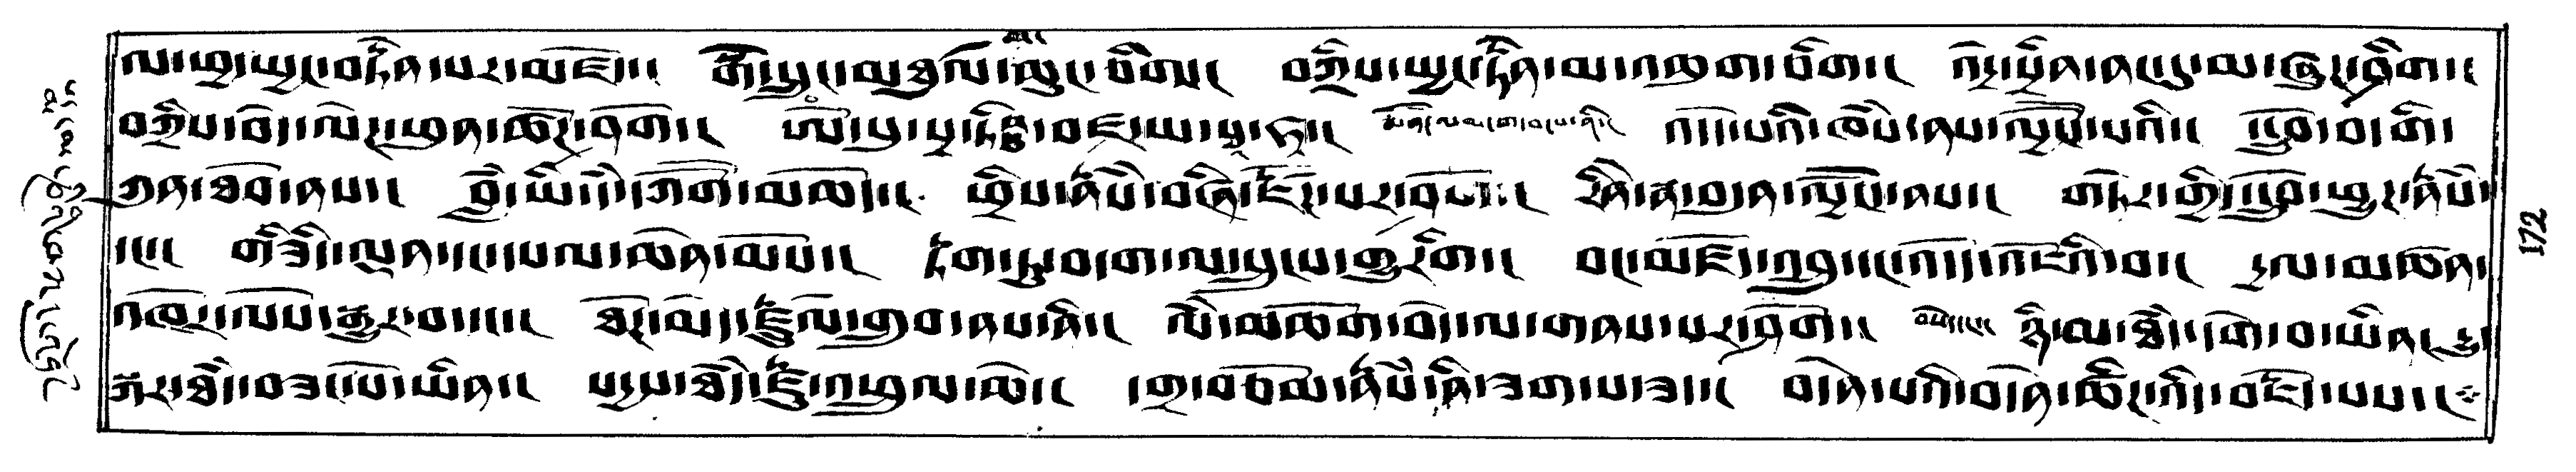ལ་ཕྱྭ་གཡང་བརྟན་པར་མཛོད། །སྒོ་སྲུང་མཐུ་རྩལ་མ་ཚུང་ཅིག །བཀྲ་ཤིས་གཡང་རྟེན་མ་འཆུག་ཅིག །འདྲེ་སྲིན་ནང་དུ་མཞུགས་ཤིག །
བཀྲ་ཤིས་བདེ་ལེགས་ཕུན་ཚོགས་ཤོག ཨོཾ་སུ་པྲ་ཏིཥྛ་བཛྲ་ཡེ་སྭ་ཧཱ། སྨོན་ལམ་གདབ་པ་ནི། འདོད་པའི་ཁམས་ན་ལོངས་སྤྱོད་པའི། །དངོས་གྲུབ་བདག་གི་
ཀུན་ཐོབ་ནས། །བླ་མ་ཡི་དམ་དཀོན་མཆོག་མཆོད། །ཕྲིན་ལས་རྣམ་བཞི་རྫོགས་པར་ཤོག །རིན་ཆེན་སྣ་བདུན་ལོངས་སྤྱོད་ནས། །གཏེར་གྱི་དངོས་གྲུབ་ཕྱུག་རྣམས་
དང་། །གཟི་བརྗིད་ལྡན་དང་དཔལ་ཆེན་མོས། །རྟག་ཏུ་བདག་ལ་སྲུང་གྱུར་ཅིག །བང་མཛོད་འབྲུ་དང་འདོད་འཇོའི་བ། །རྒྱལ་མཚན་
འཁོར་ལོས་སྒྱུར་བ་དང་། །ཐོགས་མེད་རྫུ་འཕྲུལ་གྲུབ་ནས་ནི། །ལམ་མཆོག་བདེ་ལ་གནས་པར་ཤོག ཅཻས་དང་། ཉི་མ་ཐམས་ཅད་དགེ་བ་ཡིན། །རྒྱུ་
སྐར་ཐམས་ཅད་བཟང་པོ་ཡིན། །སངས་རྒྱས་ཐམས་ཅད་རྫུ་འཕྲུལ་ཆེ། །དགྲ་བཅོམ་རྣམས་ནི་ཟག་པ་ཟད། །བདེན་པའི་བདེན་ཚིག་འདི་བརྗོད་པས།